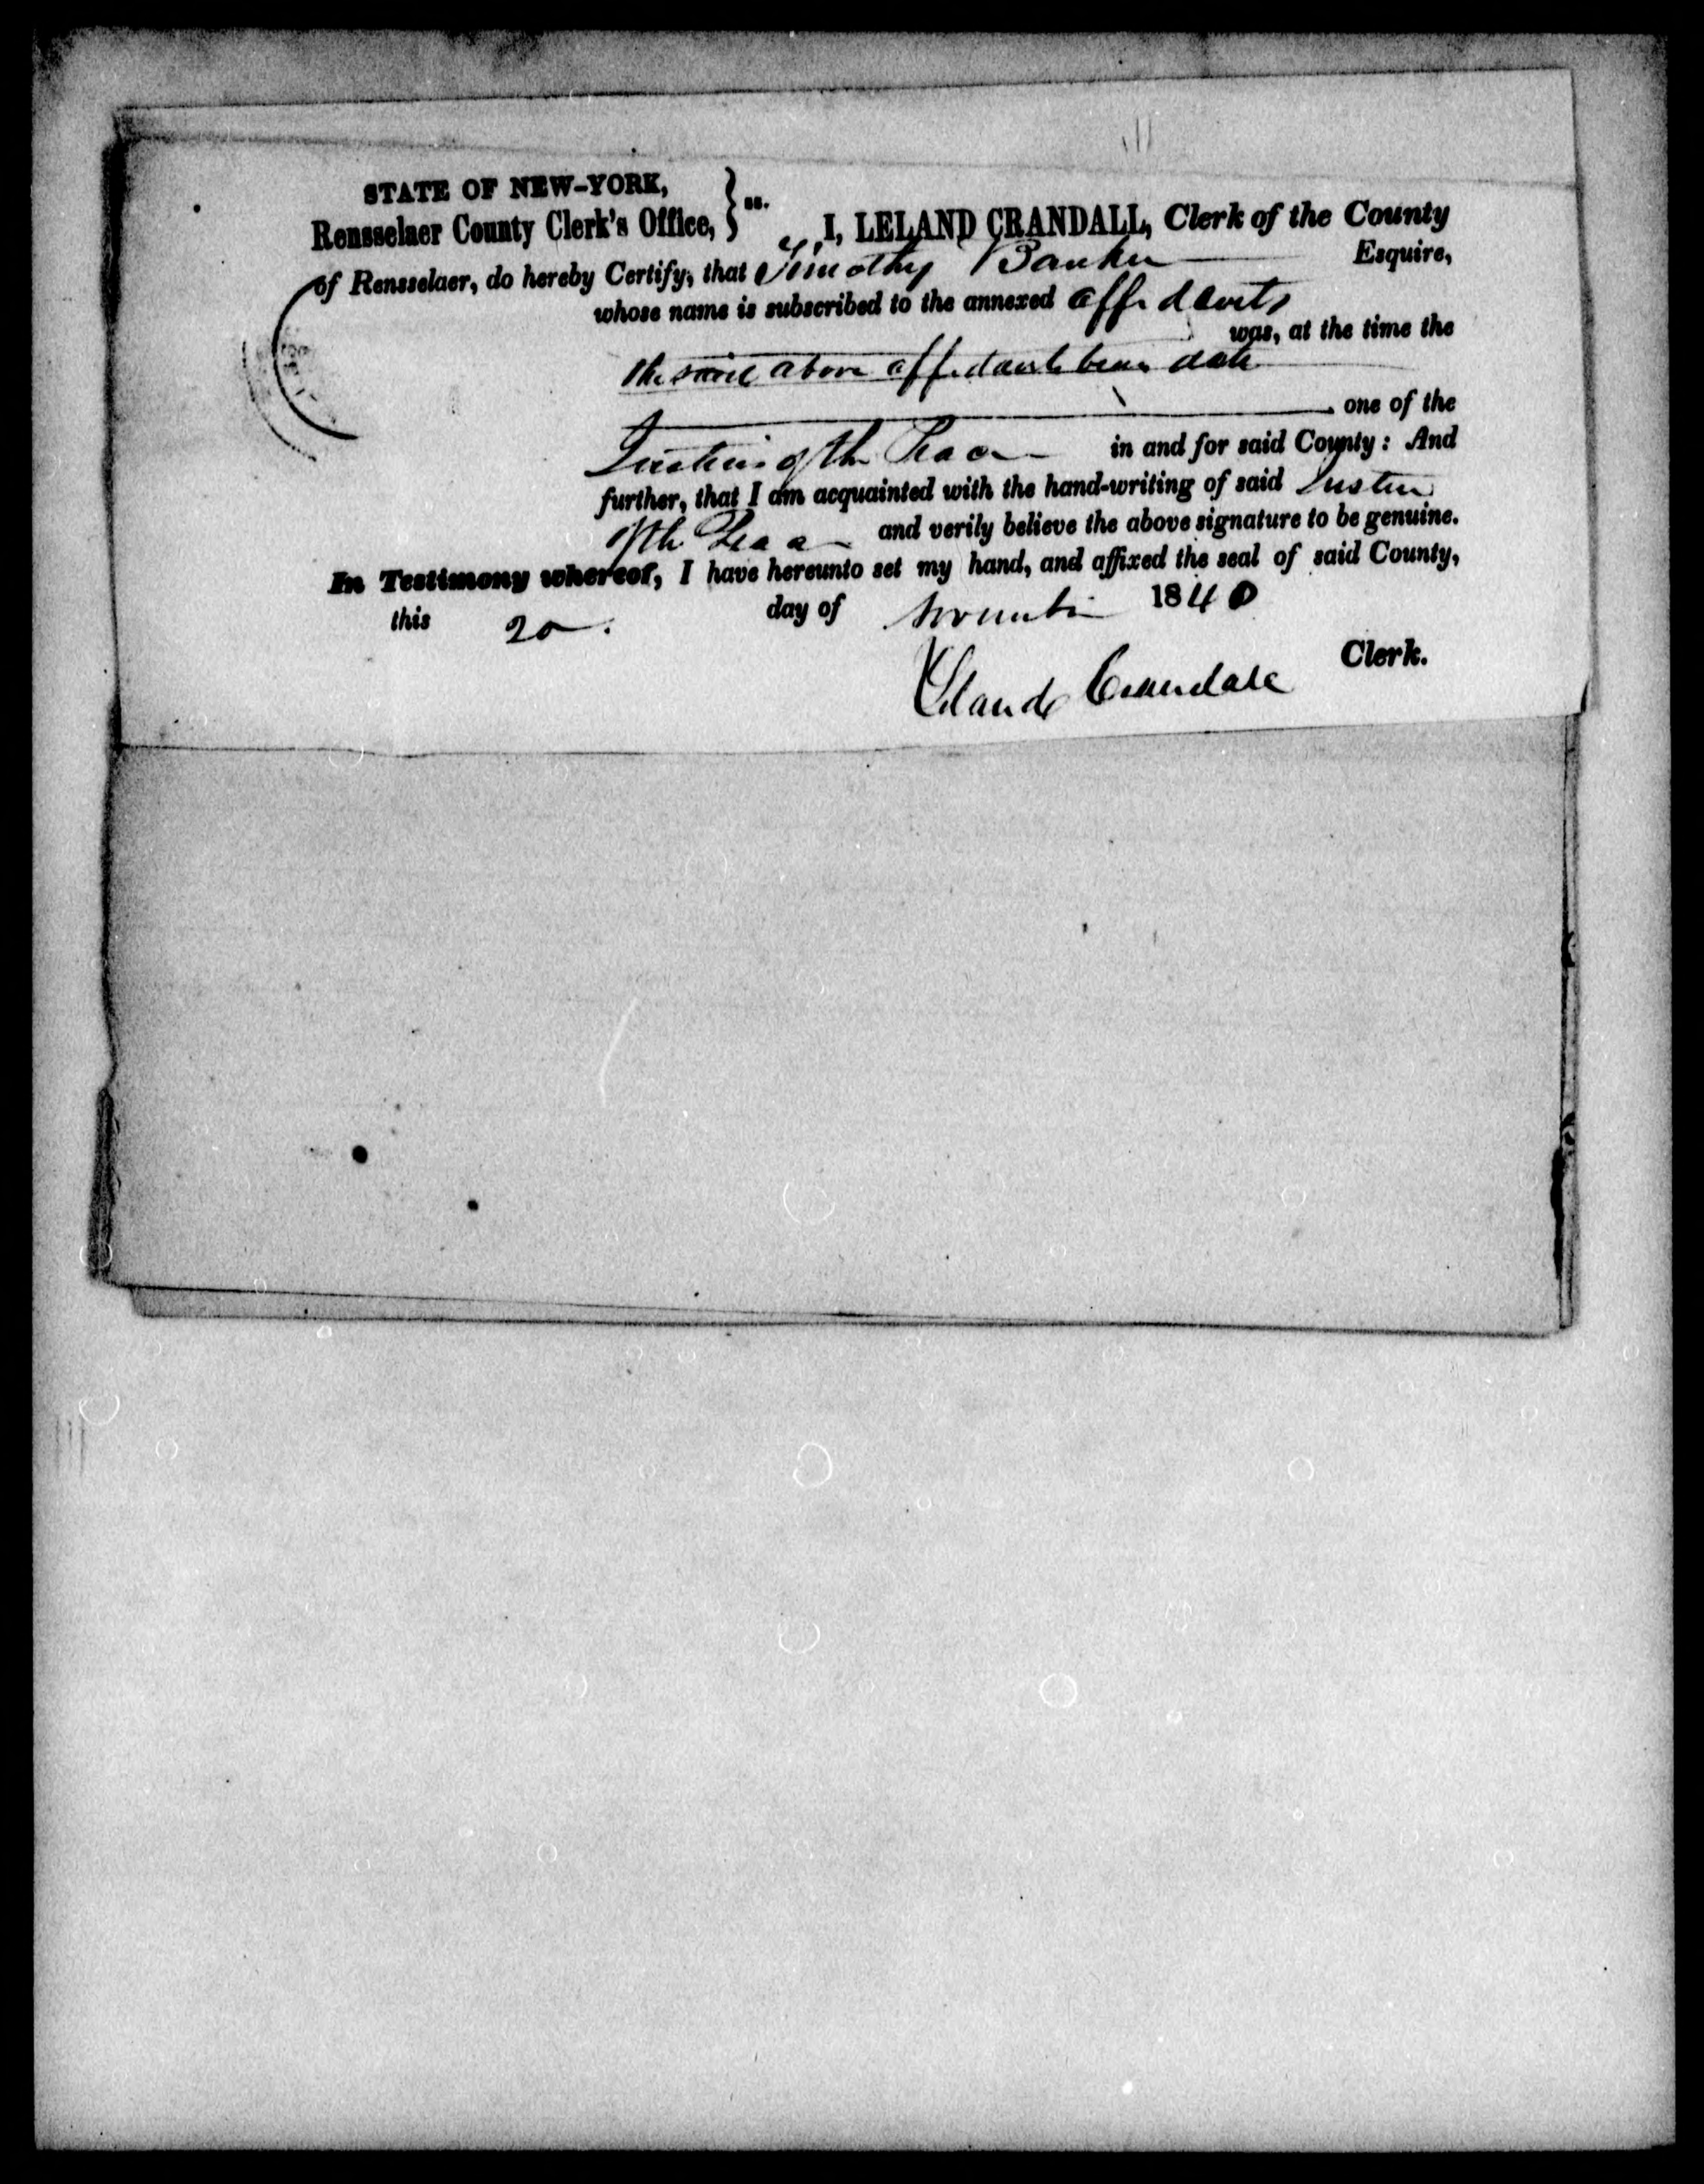STATE OF NEW-YORK, 
Rensselaer County Clerk's Office, } ss.  I, LELAND CRANDALL, Clerk of the County of Rensselaer do hereby Certify, that Timothy Banker Esquire, whose name is subscribed to the annexed affidavits the said above affidavits [illegible] was, at the time the ____ one of the Justice of the Peace in and for said County: And further, that I am acquainted with the hand-writing of said Justice of the Peace and verily believe the above signature to be genuine.
In Testimony whereof, I have hereunto set my hand, and affixed the seal of said County, this 20 day of March 1840 
[signed] Leland Crandall Clerk.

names: Timothy Banker, Leland Crandall, Leland Crandall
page: 12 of 102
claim: widow's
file: W. 18239, Isaac Van Wart, New York